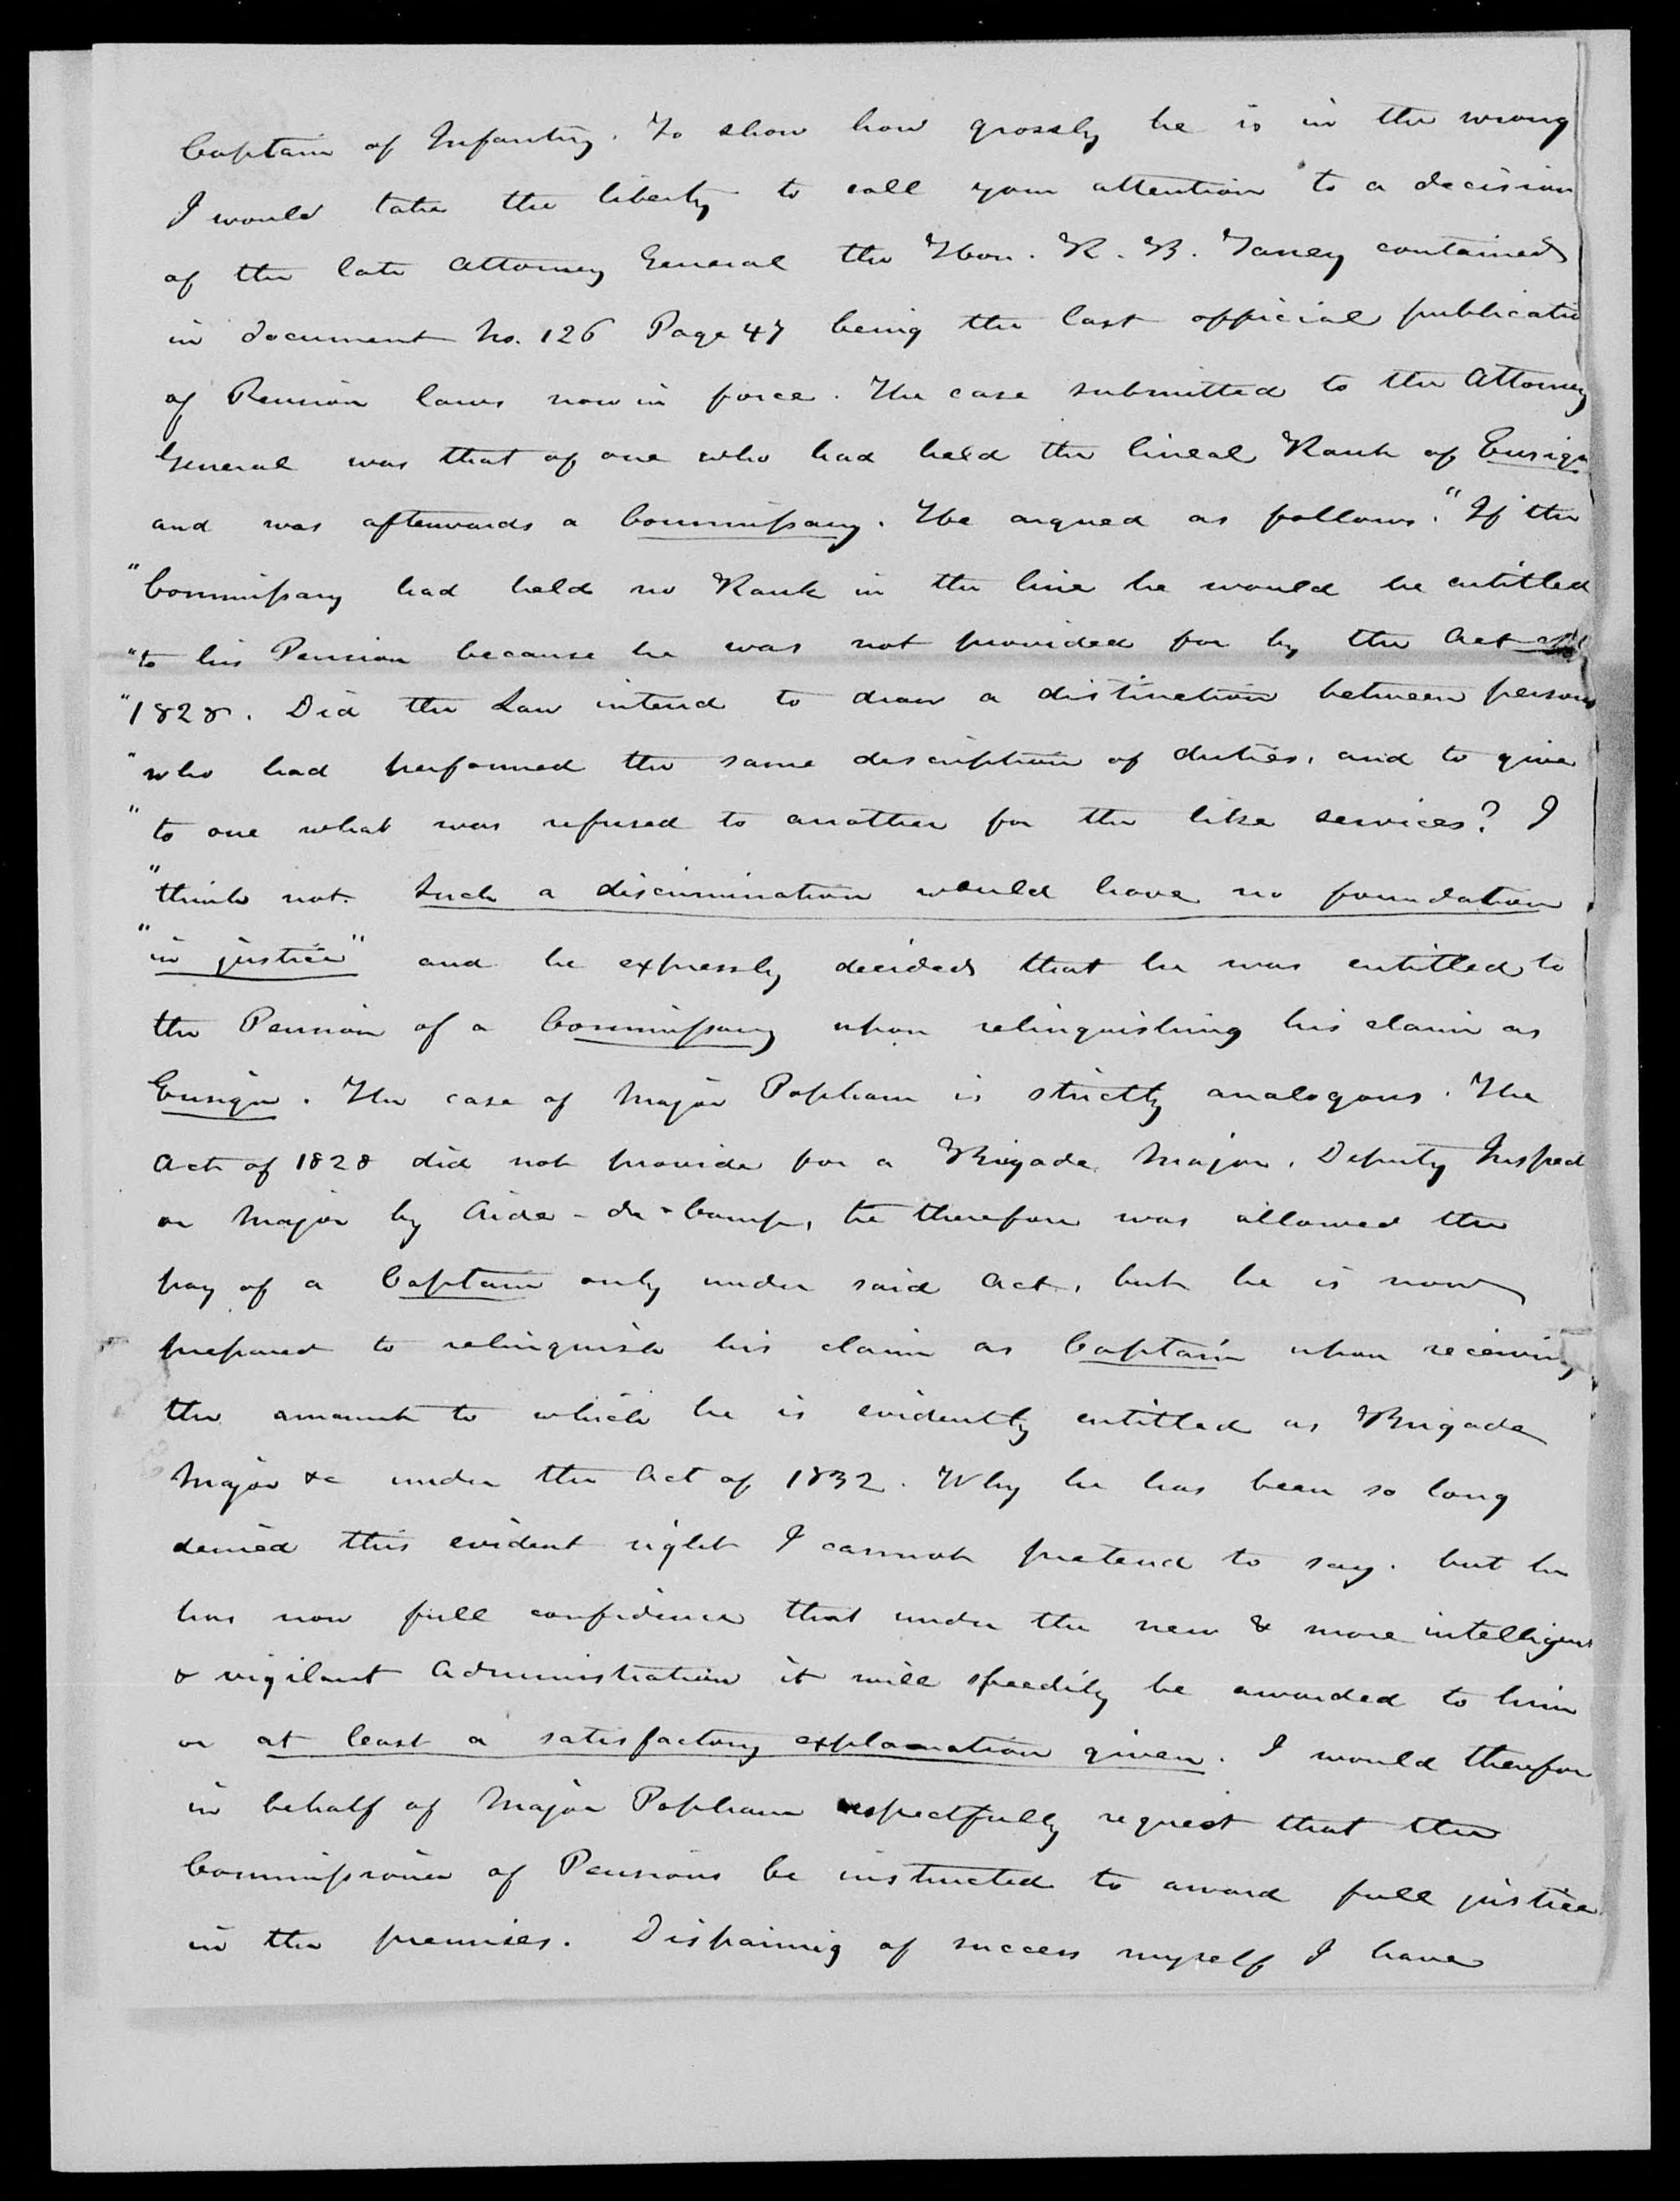Captain of Infantry. To show how grossly he is in the wrong
I would
take the liberty to call your attention to a decision
of the late attorney General the Hon. R. B. Taney contained
in document No. 126 Page 47 being the last official publication
of Pension law now in force. The case submitted to the attorney
General was that of one who had held the lined Rank of Ensign
and was afterwards a Commissary. We argued as follows "If the
"Commissary
had held no Rank in the line he would be entitled
"to his Pension because he was not provided for by
the act of
"1828. Did the Law intend to draw a distinction between persons
"who had performed the same description of duties, and to give
"to one what was refused to another for the like service? I
"think not. Such a discrimination would have no foundation
"in justice" and be extremely decided that he was entitled to
the Pension of a Commissary upon relinquishing his claim as
Ensign. The case of Major Popham is strictly analogous. The act of 1828 did not provide for a Brigade Major, Deputy Inspector or Major
by aide-de- Camp, he therefore was allowed the pay of a Captain only under said act, but he is now
prepared to relinquish his claim as Captain upon receiving
the
amount to which he is evidently entitled as Brigade
Major & under the act of 1832. Why he has been so long
denied this evident right I cannot pretend to say, but he
has now full confidence that under the new & more intelligent
& vigilant administration it will speedily be awarded to him
or at least a satisfactory explanation given.
I would therefore
in behalf of Major Popham respectfully request that the
Commissioner of Pensions be instructed to award full justice in
this premises. Distaining of success myself I have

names: R B Taney; [BLANK] Popham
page: 44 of 75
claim: survivor's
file: S. 9989, for William Popham, Delaware